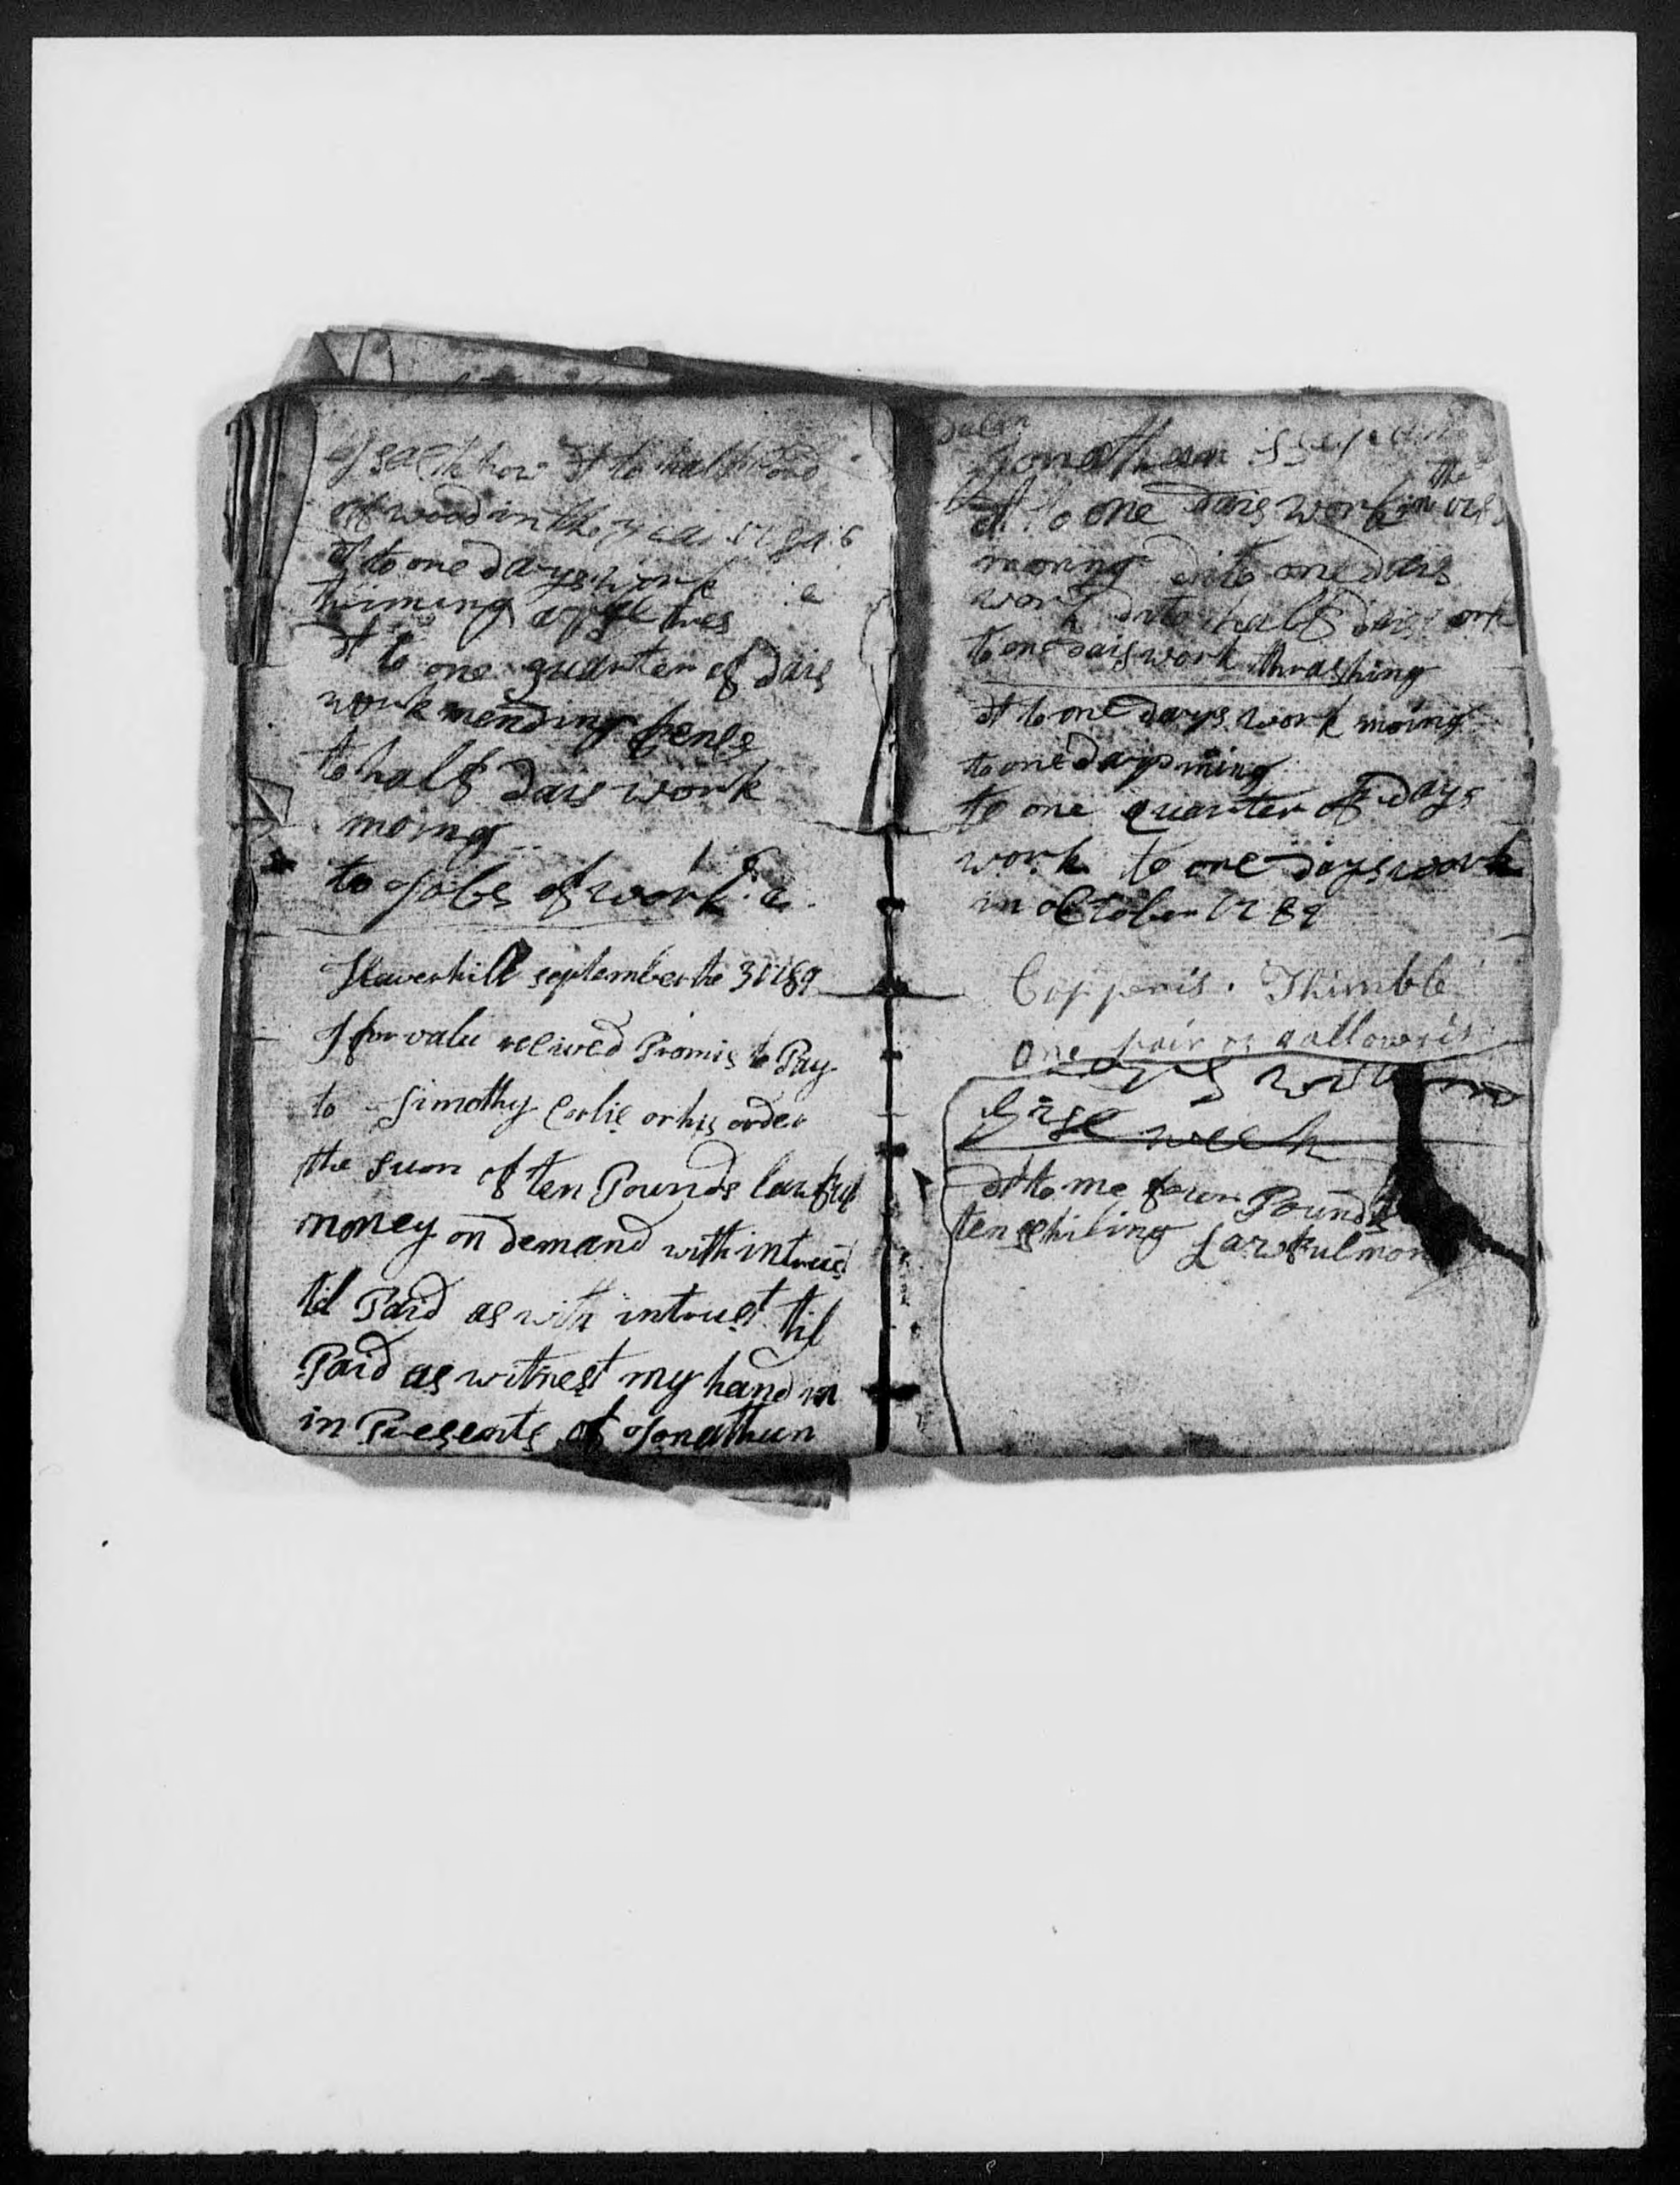[Left side]
[illegible] [illegible] [illegible] [illegible]
Of wood in the year [illegible].
To one days [illegible] a
Trimming apple trees.
To one quarter of days work mending fence
To half day work going [mowing]
To [illegible] of work
Haverhill September the 30 189_
Of for value received Promis[e] to Pay
to Timothy Corliss or his order
the sum of ten pounds [illegible]
money on demand with interest
Til paid as with interest til 
Paid as witness my hand in
Presents [sic] of Jonathan

[Right side:]
Dolan
Jonathan [illegible] [illegible]
To one days work
mowing with one days work and
to half days work to one days work threshing
To one days work mowing
to one day mowing
to one quarter of days work to one days work
in october 1789.
[illegible] Thimble
one pair of gallows’s
One written [illegible] week.
to me four Pounds ten Shilling
Lawrence Pulmon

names: Jonathan, Timothy Corlie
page: 19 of 34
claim: widow's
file: W. 20,896, Timothy Corless, Continental Mass